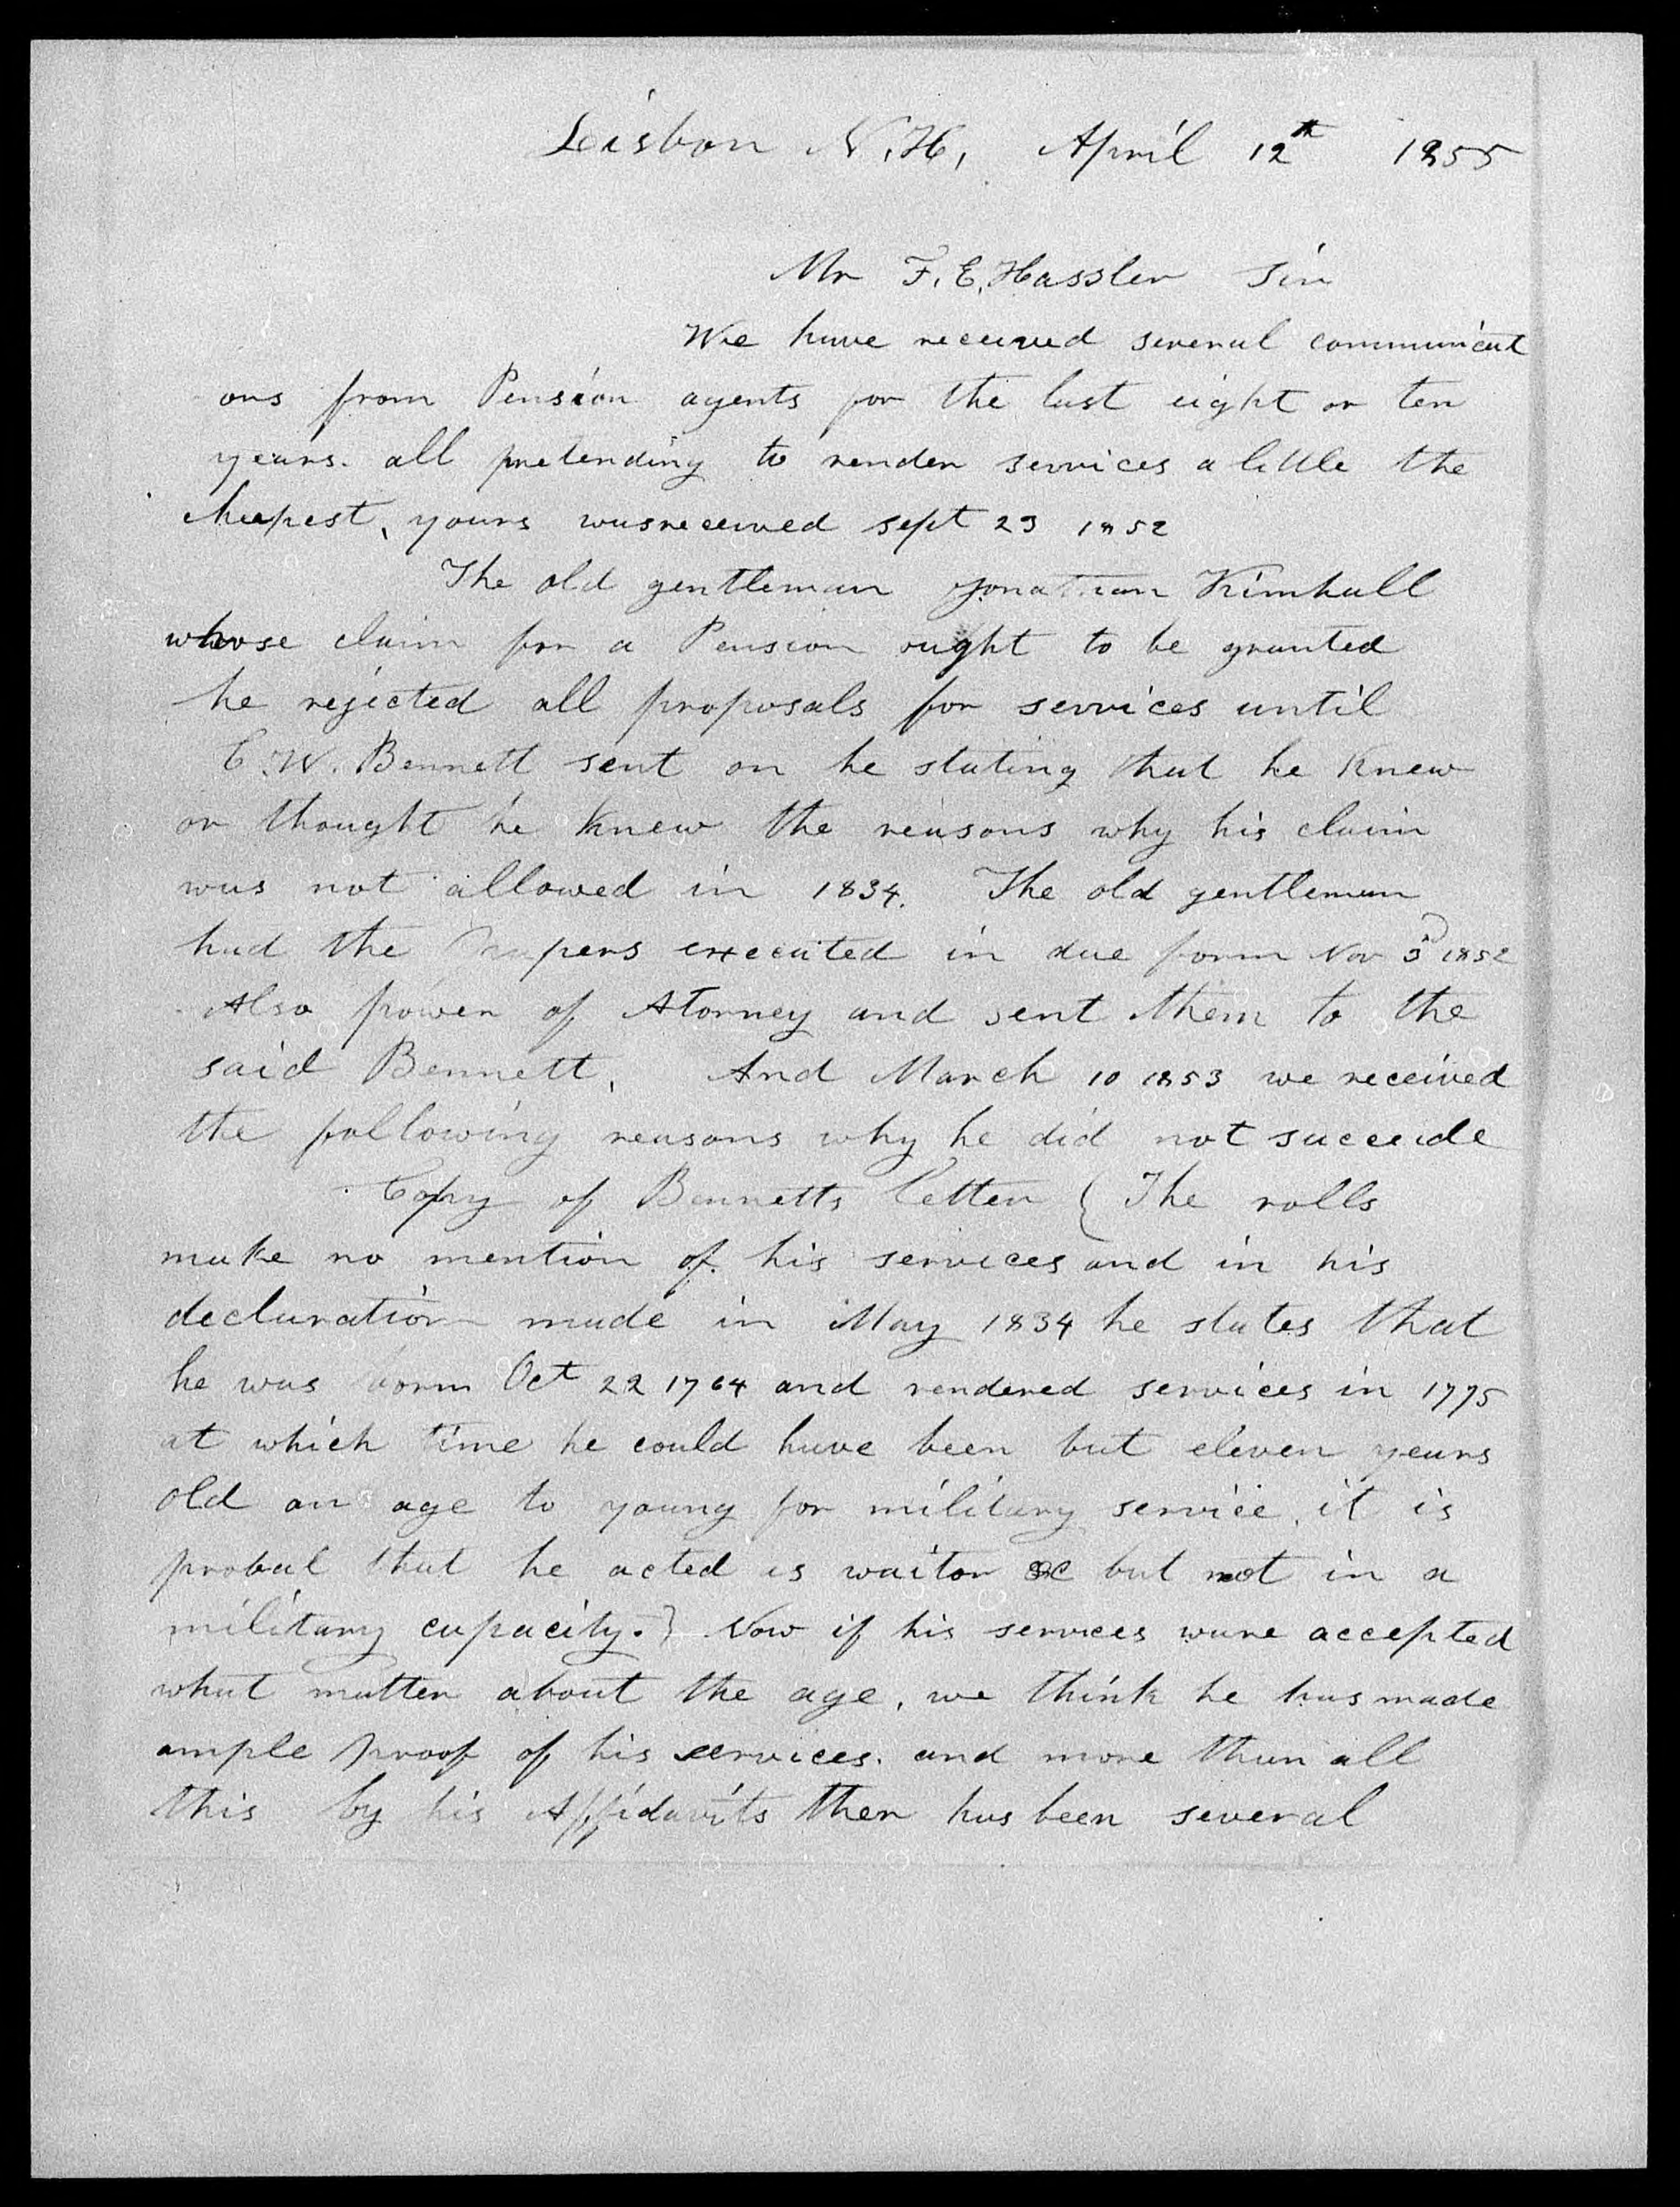Lisbon N.H. April 12th 1855

Mr. F. E. Hassler Sir
We have received several communications
from Pension agents for the last eight or ten
years all pretending to render services a little the cheapest yours was received Sept 23 1852.

The old gentleman Jonathan Kimball whose claim for a Pension ought to be granted
he rejected all proposals for services until
C.W. Bennett sent on he stating that he knew
or thought he knew the reasons why his claim
was not allowed in 1834. The old gentlemen
had the papers executed in due form Nov 5 1852 Also power of Attorney and sent them to the said Bennett And March 10 1853 we received the following reasons why he did not succeed.

Copy of Bennett's letter (The rolls make no mention of his services and in his
declaration made in May 1834 he states that
he was born Oct 22 1764 and rendered services in 1775 at which time he could have been but eleven years old an age too Young for military service. it is probable that he acted as waiter &c but not in a military capacity.) Now if his services were accepted what matter about the age, we think he has made ample proof of his services, and more than all this
by his Affidavits there has been several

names: F E Hassler; C W Bennett; Jonathan Kimball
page: 10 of 14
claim: rejected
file: R 5922, for Jonathan Kimball, New Hampshire